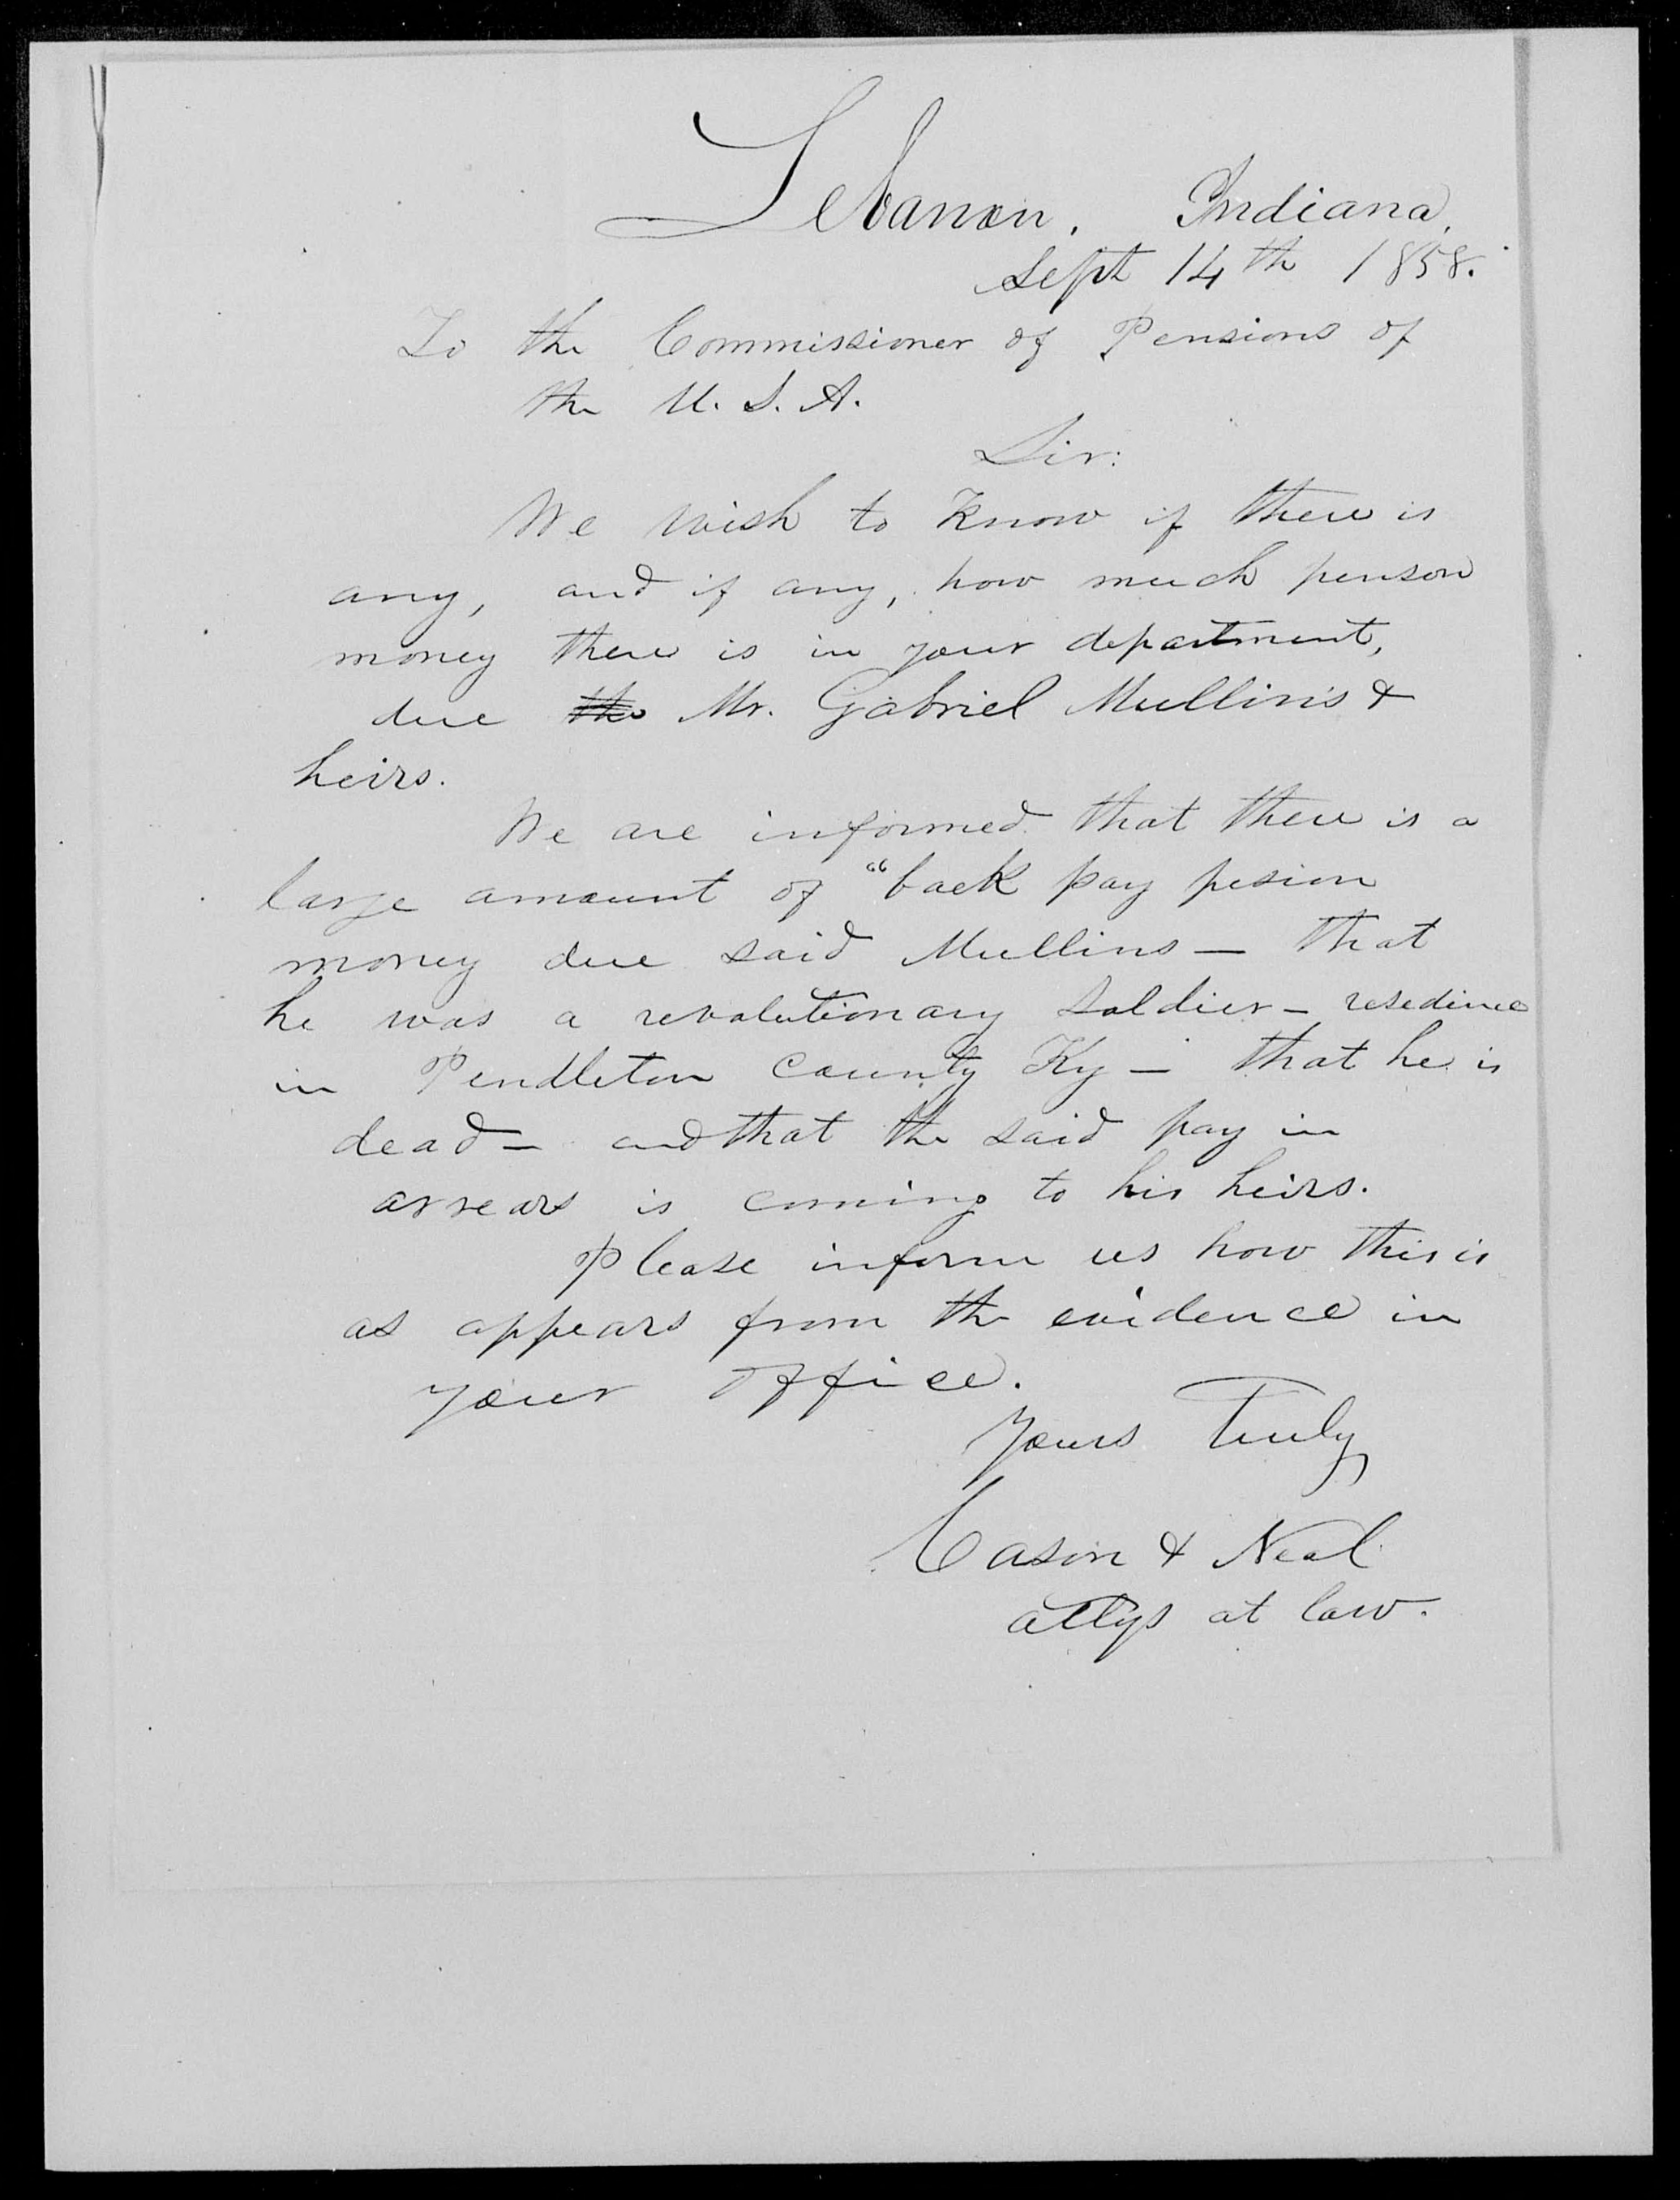Lebanon, Indiana
          Sept 14th 1858.
To the Commissioner of Pensions of
the U.S.A.
             Sir,
We wish to know if there is
any, and if any, how much pension
money there is in your department,
due Mr. Gabriel Mullins &
heirs.
We are informed that there is a
large amount of "back pay pension
money due said Mullins - that
he was a revolutionary soldier - residence
in Pendleton County Ky - that he is
dead - and that the said pay in
arrears is coming to his heirs.
Please inform us how this is
as appears from the evidence in
your office.
Yours Truly,
Casin & Neal
attys at law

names: [BLANK] Neal; [BLANK] Cason; Gabriel Mullins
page: 23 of 34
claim: survivor's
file: S. 30608, for Gabrel Mullins, Virginia